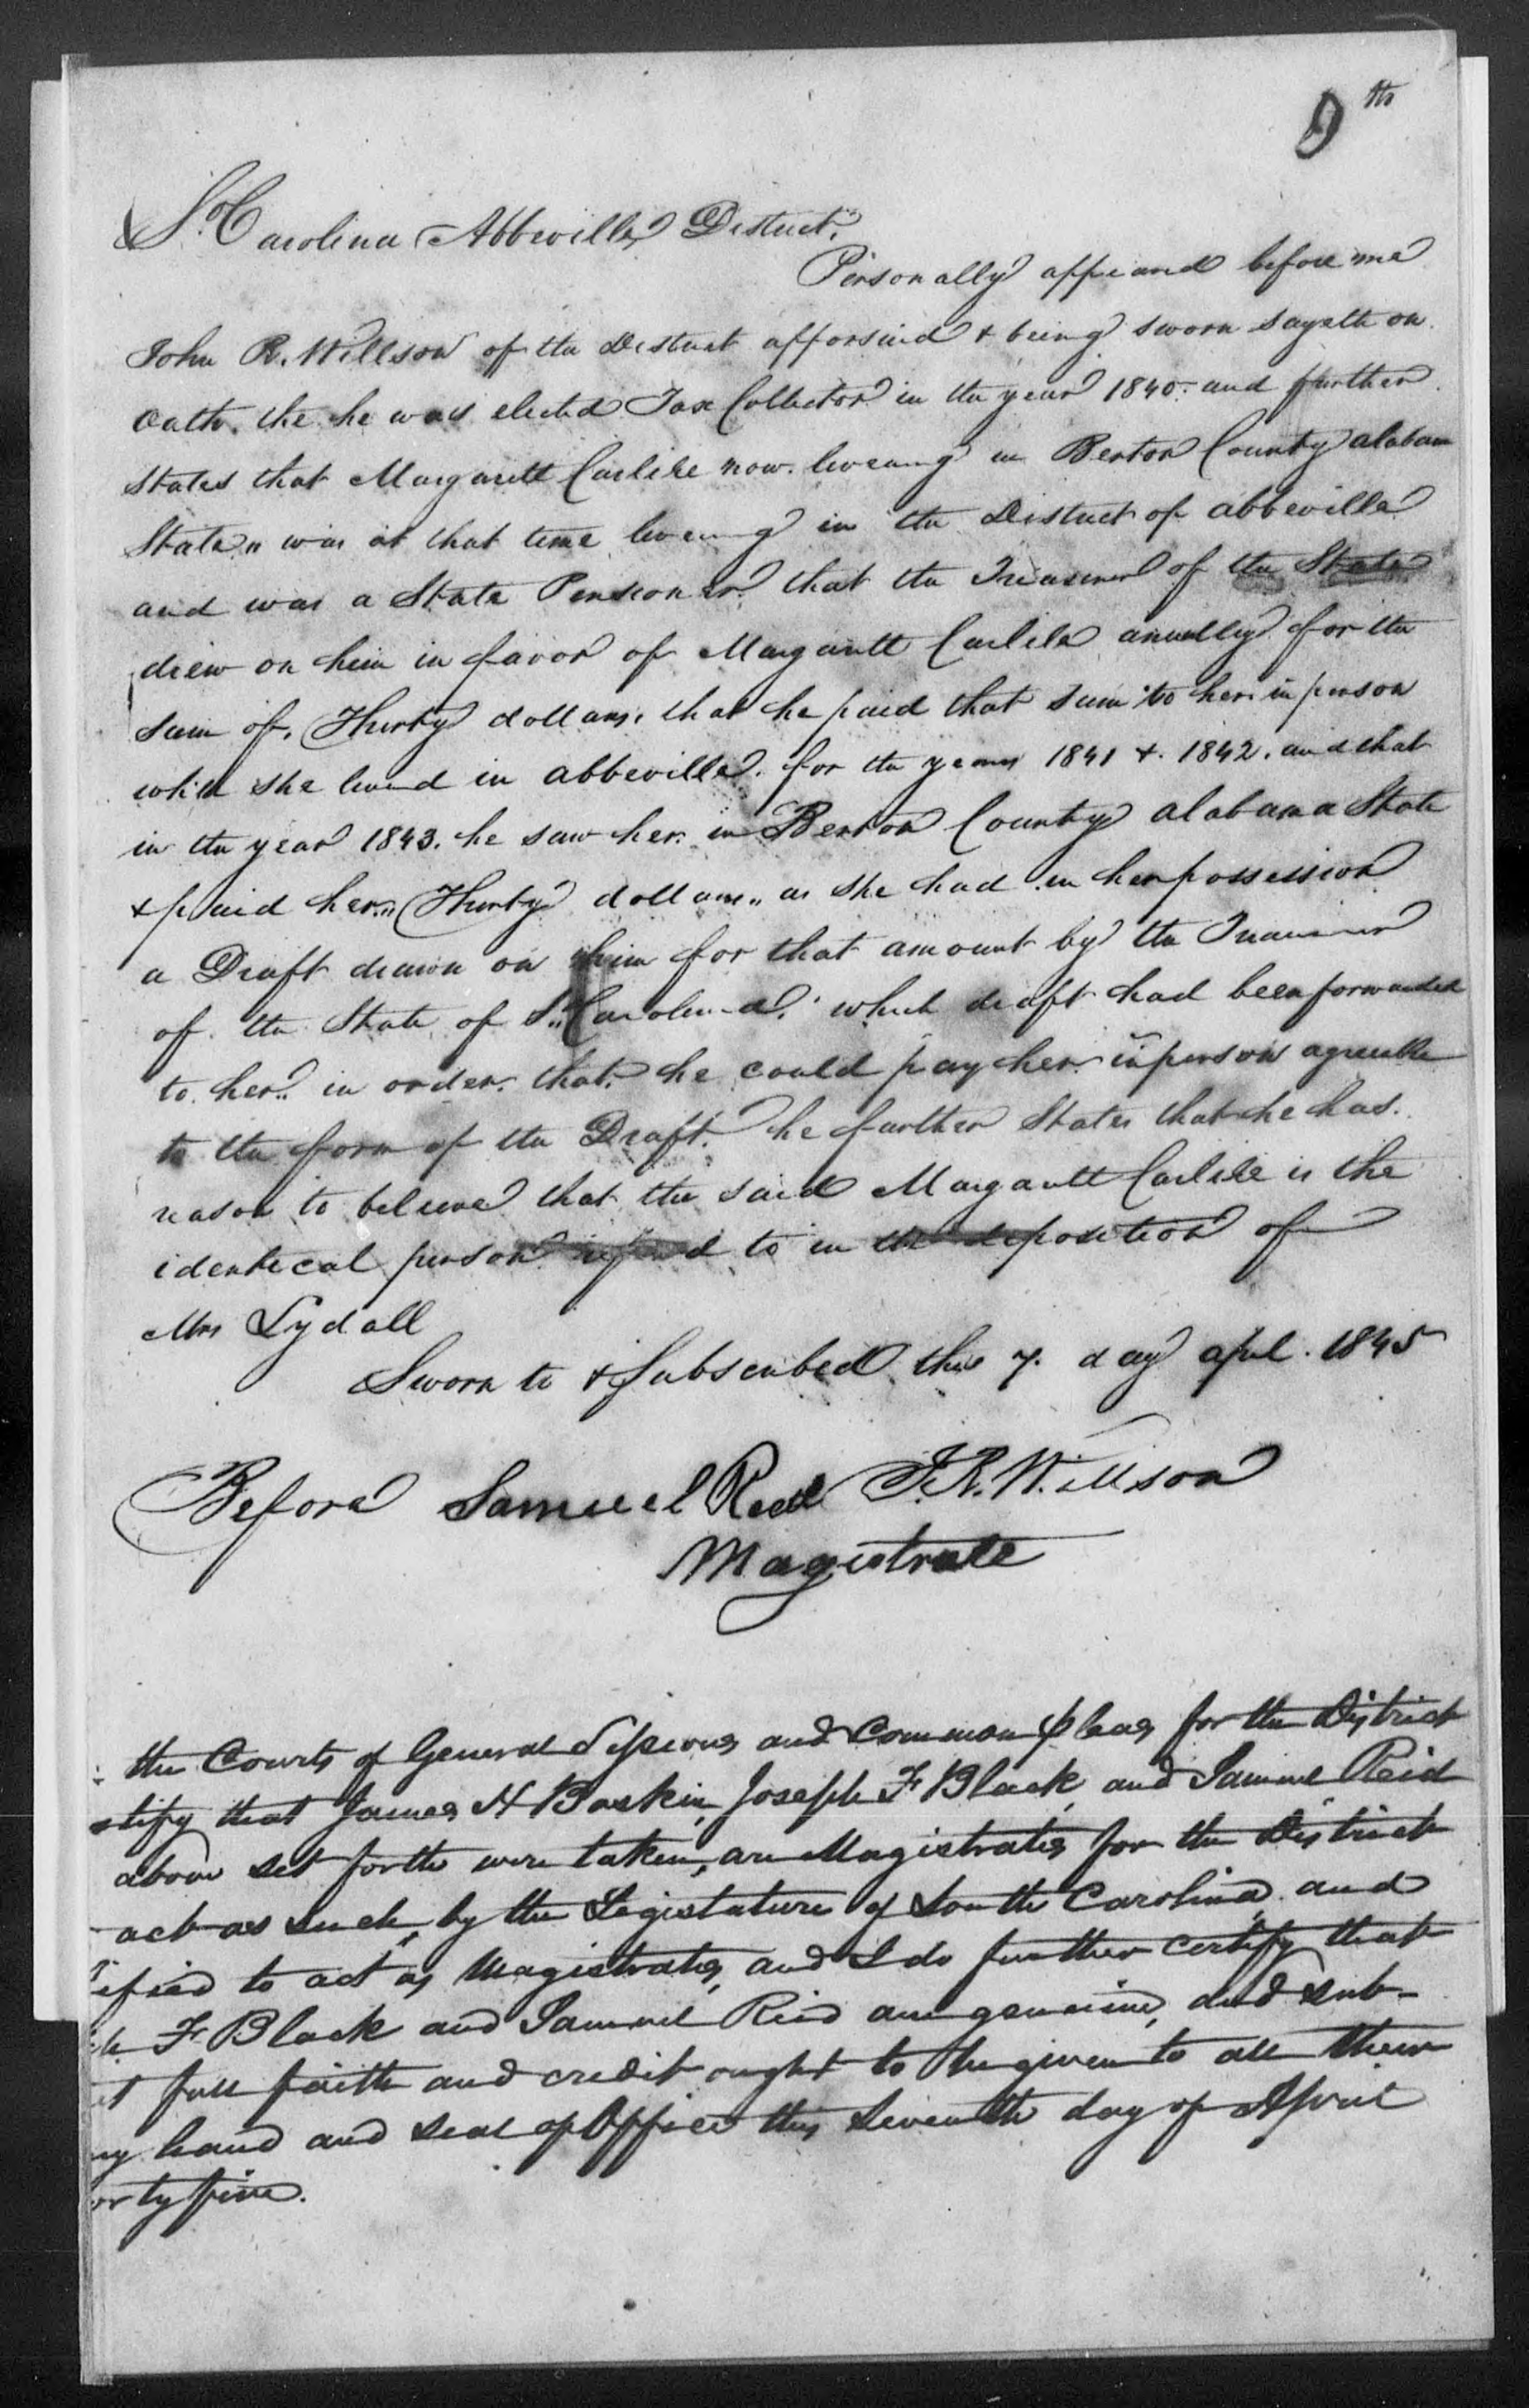So Carolina Abbeville Distrct
Personally appeared before me
John R. Willson of the District aforsaid & being sworn sayeth on
Oath that he was elected Tax Collector in the year 1840, and further
States that Margarett Carlile now living in Benton County Alabama
State, was at that time liveing in
the District of Abbeville and was a State pensioner. that the Treasurer of the statedrew on him in favor of Margarett Carlile anually for the
sum of Thirty dollars, that he paid that sum to her in person while she lived in Abbeville for the years 1841 & 1842, and thatin the year 1843 he saw her in Benton County, Alabama State and paid her Thirty dollars as he had in her possession a Draft drawn on him for that amount by the
of the State of S. Carolina which draft had been forwarded to her in order that he could pay her in person agreeable to the form of the Draft. he further States that he has
reason to believe that the said Margarett Carlile is the identical person reputed to in the deposition of
Mrs Lydall. s/ J R Willson
Sworn to & subscribed this 7 day Apl 1845 Before Samuel Reed 
Magistrate
the Court of General Sessions and common pleas for the District
certify that James H Baskin Joseph F Black and James Reid _ above set forth were taken, are Magistrates for the District _ act as such by the Legislature of South Carolina and
_tified to act as Magistrate, and I do further certify that _ Joseph F Black and Samuel Reid and genuine and sub- _ it full faith and credit ought to the given to all their _ my hand and seal of Office this Seventh day of April _ty five.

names: Joseph F Black, Lydall, Samuel Reid, Samuel Reed, Margarett Carlile, James H Baskin, John R Willson, J R Willson, Margarett Carlile, Samuel Reid, Joseph F Black, Margarett Carlile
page: 51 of 91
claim: widow's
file: W. 10576, Francis Carlisle, S.C.